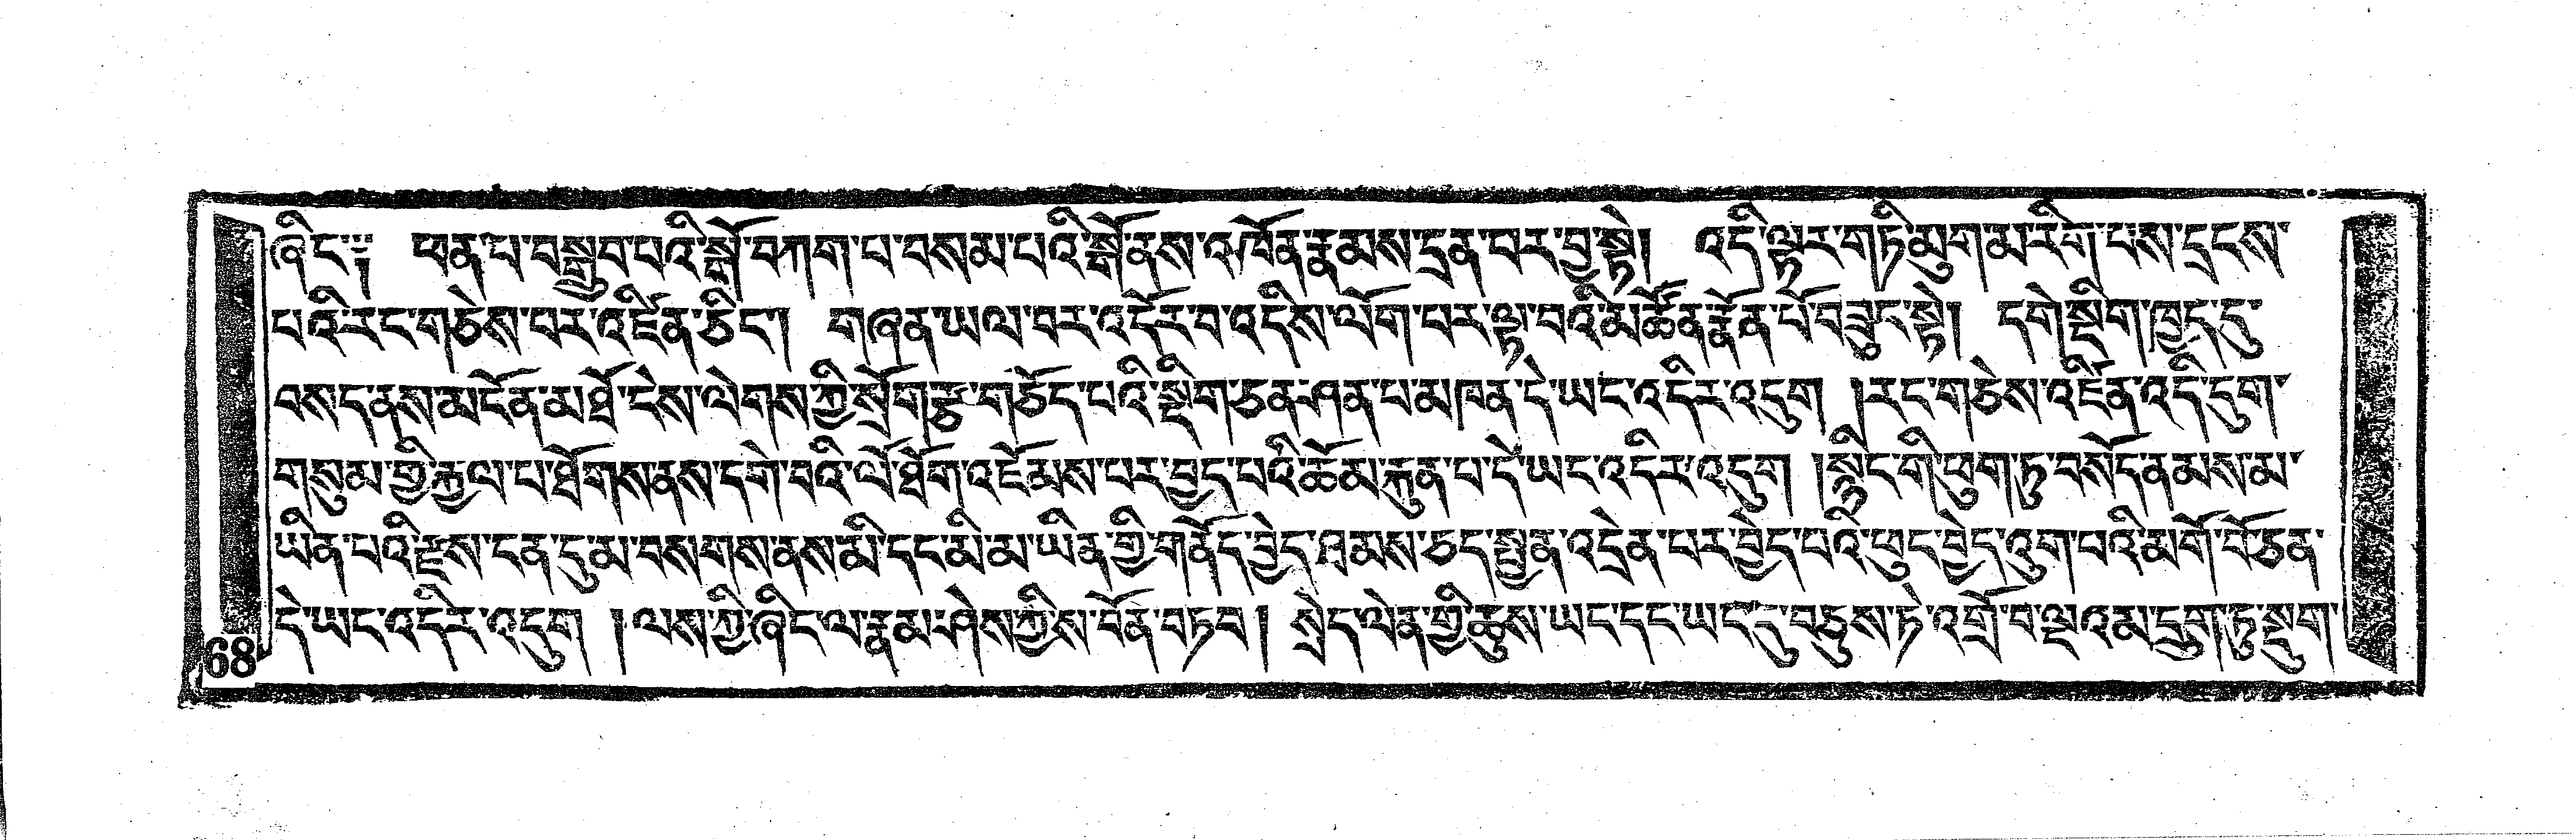ཞིང༑ ཕན་པ་བསྒྲུབ་པའི་སྒོ་བཀག་པ་བསམ་པའི་སྒོ་ནས་འཁོན་རྣམས་དྲན་པར་བྱ་སྟེ། འདི་ལྟར་གཏི་མུག་མ་རིག་པས་དྲངས་
པའི་རང་གཅེས་པར་འཛིན་ཅིང་། གཞན་ཡལ་བར་འདོར་བ་འདིས་ལོག་པར་ལྟ་བའི་མཚོན་རྣོན་པོ་བཟུང་སྟེ། དགེ་སྡིག་ཁྱད་དུ་
བསད་ནས་མངོན་མཐོ་ངེས་ལེགས་ཀྱི་སྲོག་རྩ་གཅོད་པའི་སྡིག་ཅན་ཤན་པ་མཁན་དེ་ཡང་འདིར་འདུག །རང་གཅེས་འཛིན་འདི་དུག་
གསུམ་གྱི་རྐྱལ་པ་ཐོགས་ནས་དགེ་བའི་ལོ་ཐོག་འཇོམས་པར་བྱད་པའི་ཆོམ་རྐུན་པ་དེ་ཡང་འདིར་འདུག །སྙིང་གི་ཕུག་ཏུ་བསོད་ནམས་མ་
ཡིན་པའི་རྫས་ངན་དུ་མ་བསགས་ནས་མི་དང་མི་མ་ཡིན་གྱི་གནོད་བྱེད་ཐམས་ཅད་སྤྱན་འདྲེན་པར་བྱེད་པའི་ཕུང་བྱེད་འུག་པའི་མགོ་བོ་ཅན་
དེ་ཡང་འདིར་འདུག །ལས་ཀྱི་ཞིང་ལ་རྣམ་ཤེས་ཀྱི་ས་བོན་བཏབ། སྲེད་ལེན་གྱི་ཆུས་ཡང་དང་ཡང་དུ་བཅུས་ཏེ་འགྲོ་བ་ལྔའམ་དྲུག་ཏུ་སྡུག་